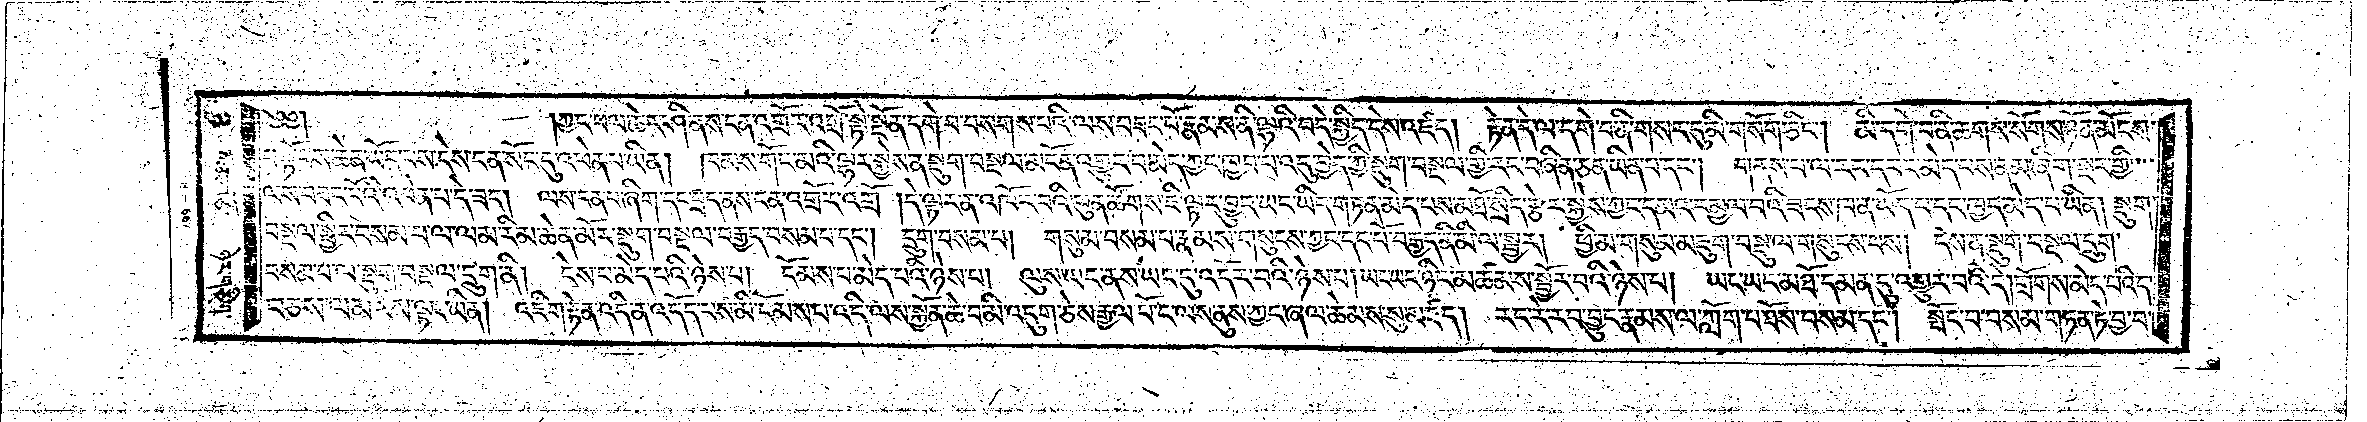༄༅། །ཀྱང་ཕལ་ཆེར་ཤི་ནས་ངན་འགྲོར་འགྲོ་སྟེ་སྔོན་དགེ་བ་བསགས་པའི་ལས་བཟང་པོ་རྣམས་ནི་ལྷའི་བདེ་སྐྱིད་དེས་འཛད། རྟེན་དེ་ལ་དགེ་བ་ནི་གསར་དུ་མི་གསོག་ཅིང་། མི་དགེ་བ་ནི་ཆགས་སོགས་ཉོན་མོངས་
པ་སྟོབས་ཆེན་ཡོད་པས་དེས་ངན་སོང་དུ་འཕེན་པ་ཡིན། ཁམས་གོང་མའི་ལྷར་སྐྱེས་ན་སྡུག་བསྔལ་མངོན་འགྱུར་བ་མེད་ཀྱང་ཁྱབ་པ་འདུ་བྱེད་ཀྱི་སྡུག་བསྔལ་གྱི་རང་བཞིན་ཅན་ཡིན་པ་དང་། གནས་པ་ལ་རང་དབང་མེད་པས་ནམ་ཞིག་སྔར་གྱི་
ལས་བཟང་པོའི་འཕེན་པ་དེ་ཟད། ལས་ངན་པ་ཞིག་དང་ཕྲད་ནས་ངན་འགྲོར་འགྲོ་།དེ་ལྟར་ན་འཁོར་བའི་ཕུན་ཚོགས་ཇི་ལྟར་བྱུང་ཡང་ཡིད་གཏན་མེད་པས་མཐོ་སྲིད་རྩེར་སྐྱེས་ཀྱང་དམའ་དམྱལ་བའི་ཟངས་ཁ་ན་ཡོད་པ་དང་ཁྱད་མེད་པ་ཡིན། སྡུག་
བསྔལ་སྤྱིར་བསམ་པ་ལ་ལམ་རིམ་ཆེན་མོར་སྡུག་བསྔལ་བརྒྱད་བསམ་པ་དང་། དྲུག་བསམ་པ། གསུམ་བསམ་པ་རྣམས་གསུངས་ཀྱང་དང་པོ་བརྒྱད་ནི་མི་ལ་སྦྱར། ཕྱི་མ་གསུམ་མཇུག་བསྡུ་ལ་གསུངས་པས། དེས་ན་སྡུག་བསྔལ་དྲུག་
བསམ་པ་ལ་སྡུག་བསྔལ་དྲུག་ནི། ངེས་པ་མེད་པའི་ཉེས་པ། ངོམས་པ་མེད་པའི་ཉེས་པ། ལུས་ཡང་ནས་ཡང་དུ་འདོར་བའི་ཉེས་པ། ཡང་ཡང་ཉིང་མཚམས་སྦྱོར་བའི་ཉེས་པ། ཡང་ཡང་མཐོ་དམན་དུ་འགྱུར་བའི་དེ། གྲོགས་མེད་པའི་དེ་
བཅས་ལམ་རིམ་ལྟར་ཡིན། འཇིག་རྟེན་འདི་ན་འདོད་པས་མི་ངོམས་པ་འདི་ལས་སྐྱོན་ཆེ་བ་མི་འདུག་ཅེས་རྒྱལ་པོ་ང་ལས་ནུས་ཀྱང་ཞལ་ཆེམས་སུ་མཛད། རང་རེ་རབ་བྱུང་རྣམས་ལ་ཀློག་པ་ཐོས་བསམ་དང་། སྤོང་བ་བསམ་གཏན་ཏེ་བྱ་བ་